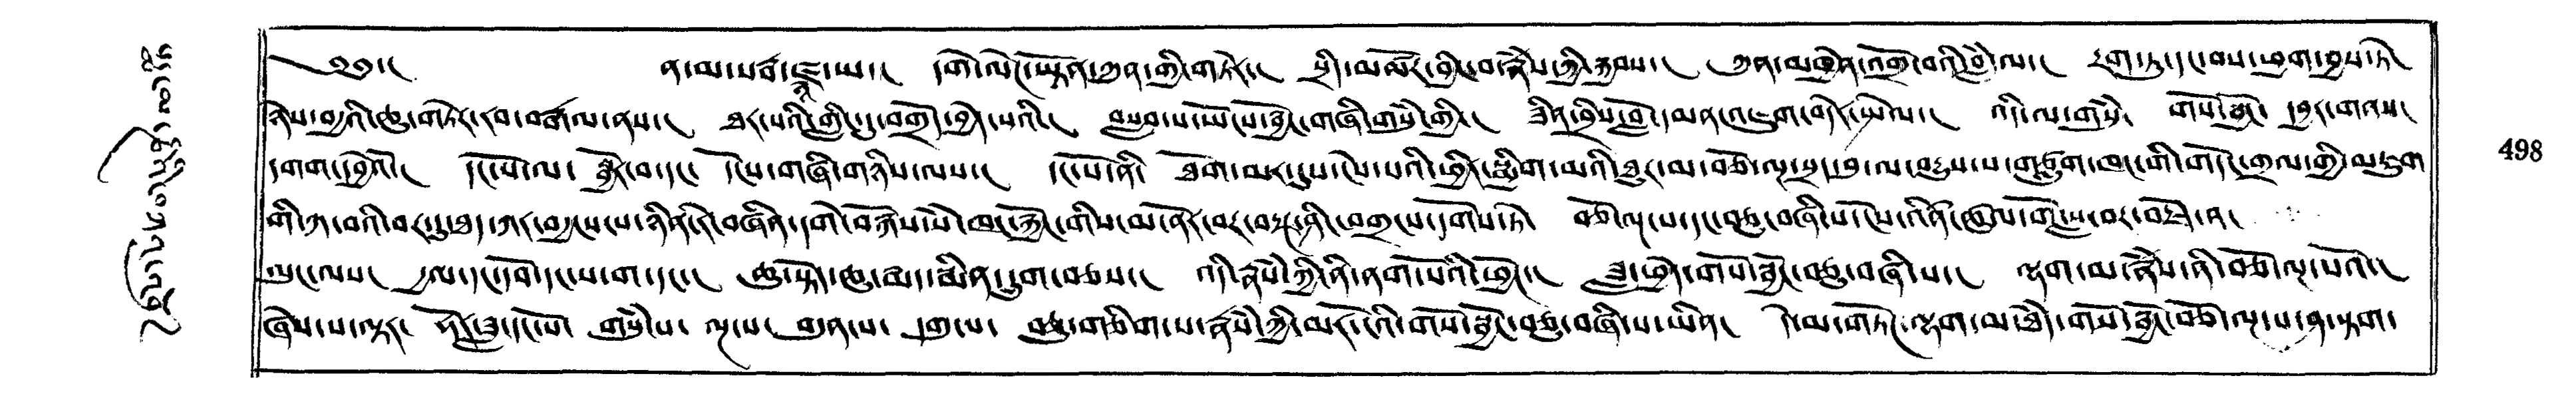ན་མ་སརྦ་ཛྙཱ་ཡ། དགེ་ལེགས་ཡོན་ཏན་ཀུན་ཀྱི་གཏེར། །སྲིད་མཚོར་བྱིང་བ་རྣམས་ཀྱི་སྐྱབས། །ཀུན་མཁྱེན་འགྲོ་བའི་བླ་མ་ལ། །རྟག་ཏུ་དང་བས་ཕྱག་བྱས་ཏེ། །
ཉེས་བརྒྱའི་ཆུ་གཏེར་རབ་བརྒལ་ནས། །ཐར་པའི་གླིང་དུ་བགྲོད་བྱེད་པའི། །བསླབ་པ་ཡོངས་སྦྱོང་གཞི་གསུམ་གྱི། །ཟིན་བྲིས་བློ་དམན་འཇུག་བདེར་སྤེལ།། འདི་ལ་གསུམ། གསོ་སྦྱོང་། དབྱར་གནས། 
དགག་དབྱེའོ།། དང་པོ་ལ། སྦྱོར་བ་དང་། དངོས་གཞི་གཉིས་ལས། དང་པོ་ནི། ཐོག་མར་དུས་ངེས་པའི་ཕྱིར་སྨྱིག་མའི་ཐུར་མ་བཅོ་ལྔ་སྲད་བུ་ལ་བརྒྱུས་པ་གཙུག་ལག་ཁང་གི་གདོང་གྲལ་གྱི་མཇུག་
གི་ཀ་བའི་བར་དུ་ཐད་ཀར་བརྒྱངས་པ་ཉིན་རེ་བཞིན་དགེ་སྐོས་སམ་ཁང་སྐྱོང་གིས་མ་ནོར་བར་བརྟགས་ཤིང་བགྲང་དགོས་ཏེ། བཅོ་ལྔ་པ་དང་བཅུ་བཞི་པ་ངོས་འཛིན་ཚུལ་གོ་སླ་བར་བརྗོད་ན། 
ལུང་ལས། རྒྱལ་དང་དབོ་དང་ས་ག་དང་། །ཆུ་སྟོད་ཆུ་སྨད་སྨིན་དྲུག་བཅས། །འདི་རྣམས་ཀྱི་ནི་ནག་པོའི་ཕྱོགས། །ཟླ་ཕྱེད་གསོ་སྦྱོང་བཅུ་བཞི་པ། །ལྷག་མ་རྣམསནི་བཅོ་ལྔ་པའོ། །
ཞེས་པ་ལྟར། ཧོར་ཟླ་དང་པོ། གསུམ་པ། ལྔ་པ། བདུན་པ། དགུ་པ། བཅུ་གཅིག་པ་རྣམས་ཀྱི་མར་ངོའི་གསོ་སྦྱོང་བཅུ་བཞི་པ་ཡིན། དེ་མ་གཏོགས་ལྷག་མ་ཐམས་ཅད་གསོ་སྦྱོང་བཅོ་ལྔ་པ་ཤ་སྟག་